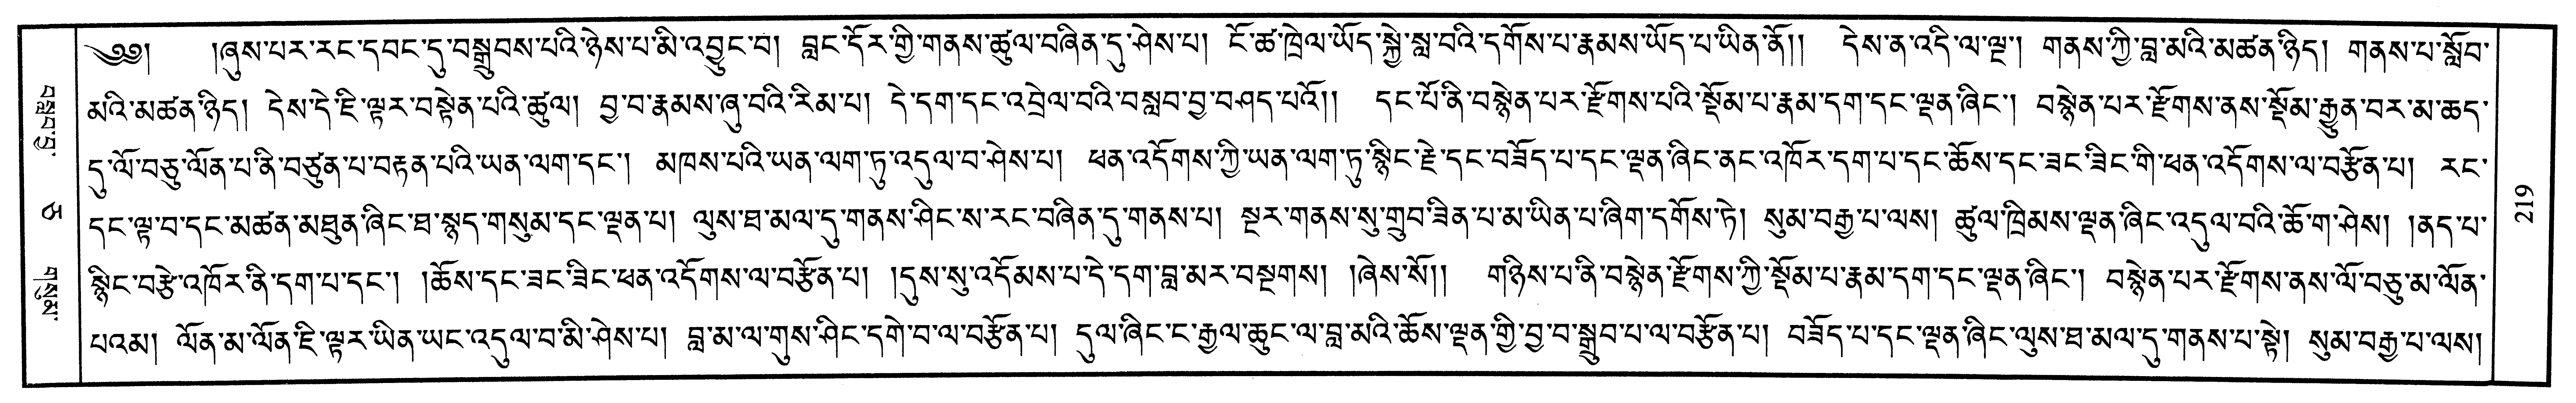༄༅། །ཞུས་པར་རང་དབང་དུ་བསྒྲུབས་པའི་ཉེས་པ་མི་འབྱུང་བ། བླང་དོར་གྱི་གནས་ཚུལ་བཞིན་དུ་ཤེས་པ། ངོ་ཚ་ཁྲེལ་ཡོད་སྐྱེ་སླ་བའི་དགོས་པ་རྣམས་ཡོད་པ་ཡིན་ནོ།། དེས་ན་འདི་ལ་ལྔ། གནས་ཀྱི་བླ་མའི་མཚན་ཉིད། གནས་པ་སློབ་
མའི་མཚན་ཉིད། དེས་དེ་ཇི་ལྟར་བསྟེན་པའི་ཚུལ། བྱ་བ་རྣམས་ཞུ་བའི་རིམ་པ། དེ་དག་དང་འབྲེལ་བའི་བསླབ་བྱ་བཤད་པའོ།། དང་པོ་ནི་བསྙེན་པར་རྫོགས་པའི་སྡོམ་པ་རྣམ་དག་དང་ལྡན་ཞིང་། བསྙེན་པར་རྫོགས་ནས་སྡོམ་རྒྱུན་བར་མ་ཆད་
དུ་ལོ་བཅུ་ལོན་པ་ནི་བཙུན་པ་བརྟན་པའི་ཡན་ལག་དང་། མཁས་པའི་ཡན་ལག་ཏུ་འདུལ་བ་ཤེས་པ། ཕན་འདོགས་ཀྱི་ཡན་ལག་ཏུ་སྙིང་རྗེ་དང་བཟོད་པ་དང་ལྡན་ཞིང་ནང་འཁོར་དག་པ་དང་ཆོས་ཟང་ཟིང་གི་ཕན་འདོགས་ལ་བརྩོན་པ། རང་
དང་ལྟ་བ་དང་མཚན་མཐུན་ཞིང་ཐ་སྙད་གསུམ་དང་ལྡན་པ། ལུས་ཐ་མལ་དུ་གནས་ཤིང་ས་རང་བཞིན་དུ་གནས་པ། སྔར་གནས་སུ་གྲུབ་ཟིན་པ་མ་ཡིན་པ་ཞིག་དགོས་ཏེ། སུམ་བརྒྱ་པ་ལས། ཚུལ་ཁྲིམས་ལྡན་ཞིང་འདུལ་བའི་ཆོ་ག་ཤེས། །ནད་པ་
སྙིང་བརྩེ་འཁོར་ནི་དག་པ་དང་། །ཆོས་དང་ཟང་ཟིང་ཕན་འདོགས་ལ་བརྩོན་པ། །དུས་སུ་འདོམས་པ་དེ་དག་བླ་མར་བསྔགས། །ཞེས་སོ།། གཉིས་པ་ནི་བསྙེན་རྫོགས་ཀྱི་སྡོམ་པ་རྣམ་དག་དང་ལྡན་ཞིང་། བསྙེན་པར་རྫོགས་ནས་ལོ་བཅུ་མ་ལོན་
པའམ། ལོན་མ་ལོན་ཇི་ལྟར་ཡིན་ཡང་འདུལ་བ་མི་ཤེས་པ། བླ་མ་ལ་གུས་ཤིང་དགེ་བ་ལ་བརྩོན་པ། དུལ་ཞིང་ང་རྒྱལ་ཆུང་ལ་བླ་མའི་ཆོས་ལྡན་གྱི་བྱ་བ་སྒྲུབ་པ་ལ་བརྩོན་པ། བཟོད་པ་དང་ལྡན་ཞིང་ལུས་ཐ་མལ་དུ་གནས་པ་སྟེ། སུམ་བརྒྱ་པ་ལས།